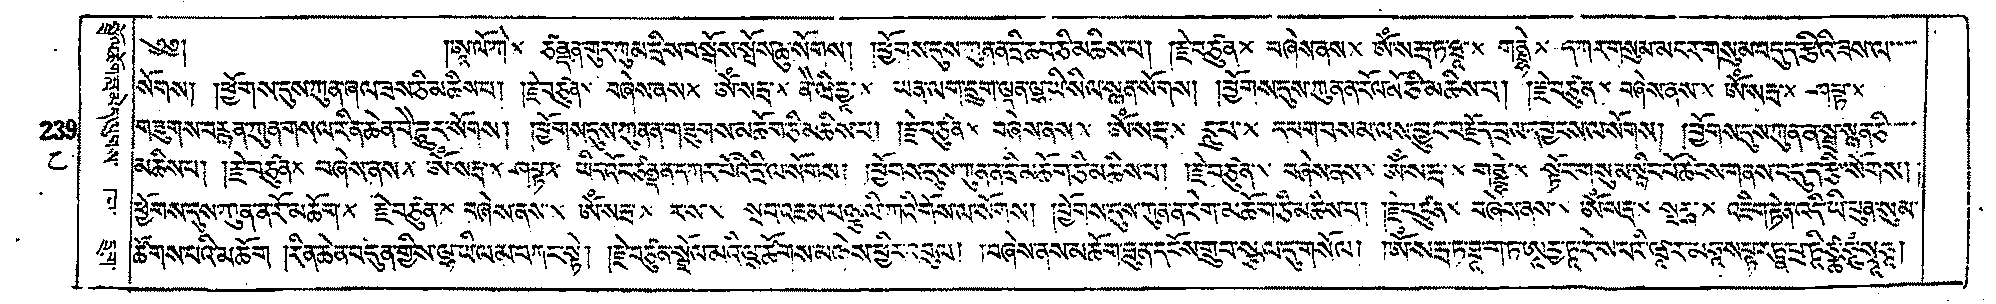༄༅། །ཨཱ་ལོ་ཀེ་྾་ཙནྡན་གུར་ཀུམ་དྲིས་བསྒོས་སྤོས་ཆུ་སོགས། །ཕྱོགས་དུས་ཀུན་ན་དྲི་ཆབ་ཅི་མཆིས་པ། །རྗེ་བཙུན་྾་བཞེས་ནས་྾་ཨོཾ་སརྦ་ཏ་ཐཱ་྾་གནྡྷེ་྾་དཀར་གསུམ་མངར་གསུམ་བདུད་རྩིའི་ཟས་ལ་་་
སོགས། །ཕྱོགས་དུས་ཀུན་ཞལ་ཟས་ཅི་མཆིས་པ། །རྗེ་བཙུན་྾་བཞེས་ནས་྾་ཨོཾ་སརྦ་྾་ནཻ་ཝིདྱཱ་྾་ཡན་ལག་དྲུག་ལྡན་ལྷ་ཡི་སིལ་སྙན་སོགས། །ཕྱོགས་དུས་ཀུན་ན་རོལ་མོ་ཅི་མཆིས་པ། །རྗེ་བཙུན་྾་བཞེས་ནས་྾་ཨོཾ་སརྦ་྾་ཤཔྟ་྾་
གཟུགས་བརྙན་ཀུན་གསལ་རིན་ཆེན་བཻ་ཌཱུར་སོགས། །ཕྱོགས་དུས་ཀུན་ན་གཟུགས་མཆོག་ཅི་མཆིས་པ། །རྗེ་བཙུན་྾་བཞེས་ནས་྾་ཨོཾ་སརྦ་྾་རཱུ་པ་྾་དཔག་བསམ་ལས་བྱུང་བརྗོད་བྲལ་དབྱངས་ལ་སོགས། །ཕྱོགས་དུས་ཀུན་ན་སྒྲ་སྙན་ཅི་་་
མཆིས་པ། །རྗེ་བཙུན྾་བཞེས་ནས་྾་ཨོཾ་སརྦ་྾་ཤཔྟ་྾་ཡིད་འོང་ཙནྡན་དཀར་པོའི་དྲི་ལ་སོགས། །ཕྱོགས་དུས་ཀུན་ན་དྲི་མཆོག་ཅི་མཆིས་པ། །རྗེ་བཙུན་྾་བཞེས་ནས་྾་ཨོཾ་སརྦ་྾་གནྡྷེ་྾་སྟོང་གསུམ་སྙིང་པོ་ཚངས་གནས་བདུད་རྩི་སོགས། །
ཕྱོགས་དུས་ཀུན་ན་རོ་མཆོག་྾་རྗེ་བཙུན་྾་བཞེས་ནས་྾་ཨོཾ་སརྦ་྾་ར་ས་྾་སྲབ་འཇམ་པཉྩ་ལི་ཀའི་གོས་ལ་སོགས། །ཕྱོགས་དུས་ཀུན་ན་རིག་མཆོག་ཅི་མཆིས་པ། །རྗེ་བཙུན་྾་བཞེས་ནས་྾་ཨོཾ་སརྦ་྾་སྤརྴ་྾་འཇིག་རྟེན་འདི་ཡི་ཕུན་སུམ་
ཚོགས་པའི་མཆོག །རིན་ཆེན་བདུན་གྱིས་ལྷ་ཡི་ལམ་བཀང་སྟེ། །རྗེ་བཙུན་སྒྲོལ་མའི་ལྷ་ཚོགས་མཉེས་ཕྱིར་འབུལ། །བཞེས་ནས་མཆོག་ཐུན་དངོས་གྲུབ་སྩལ་དུ་གསོལ། །ཨོཾ་སརྦ་ཏ་ཐཱ་ག་ཏ་ཨཱརྱ་ཏཱ་རེ་ས་པ་རི་ཝཱ་ར་མཧཱ་སཔྟ་རཏྣ་པྲ་ཏཱིཙྪ་ཧཱུཾ་སྭཱཧཱ།